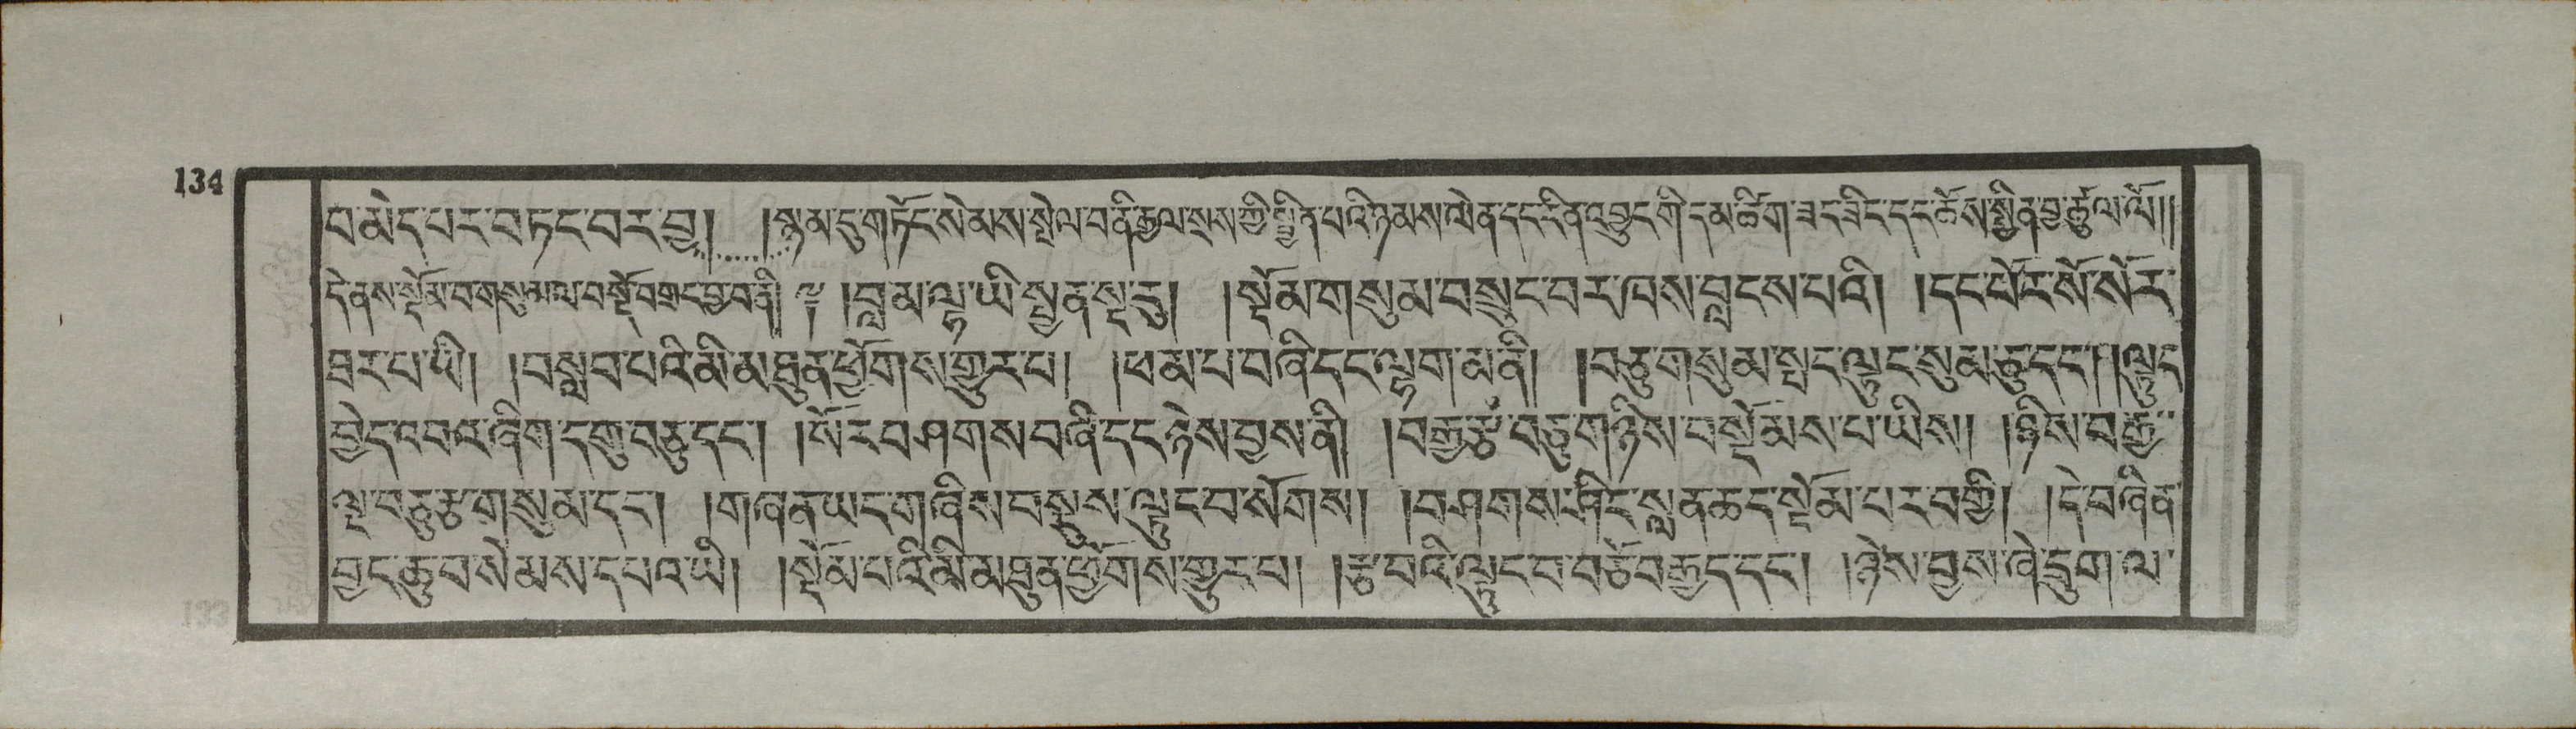བ་མེད་པར་བཏང་བར་བྱ། །སྙམ་དུ་གཏོང་སེམས་སྤེལ་བ་ནི་རྒྱལ་སྲས་ཀྱི་སྦྱིན་པའི་ཉམས་ལེན་དང་རིན་འབྱུང་གི་དམ་ཚིག་ཟང་ཟིང་དང་ཚོས་སྤྱིན་བྱ་ཚུལ་ལོ། །
དེ་ནས་སྡོམ་པ་གསུམ་ལ་བསྡོ་བགྲང་བྱ་བ་ནི།༈།བླ་མ་ལྷ་ཡི་སྤྱན་སྔ་རུ། །སྡོམ་གསུམ་བསྲུང་བར་ཁས་བླངས་པའི། །དང་པོར་སོ་སོར་
ཐར་པ་ཡི། །བསླབ་པའི་མི་མཐུན་ཕྱོགས་གྱུར་པ། །ཕམ་པ་བཞི་དང་ལྷག་མ་ནི། །བཅུ་གསུམ་སྤང་ལྟུང་སུམ་ཅུ་དང་། །ལྟུང་
བྱེད་འབའ་ཞིག་དགུ་བཅུ་དང་། །སོར་བཤགས་བཞི་དང་ཉེས་བྱས་ནི། །བརྒྱ་རྩཾ་བཅུ་གཉིས་བསྡོམས་པ་ཡིས། །ཉིས་བརྒྱ་
ལྔ་བཅུ་རྩ་གསུམ་དང་། །གཞན་ཡང་གཞིས་བསྡུས་ལྟུང་བ་སོགས། །བཤགས་ཤིང་སླན་ཆད་སྡོམ་པར་བགྱི། །དེ་བཞིན་
བྱང་ཆུབ་སེམས་དཔའ་ཡི། །སྡོམ་པའི་མི་མཐུན་ཕྱོགས་གྱུར་པ། །རྩ་བའི་ལྟུང་བ་བཅོ་བརྒྱད་དང་། །ཉེས་བྱས་ཞེ་དྲུག་ལ་